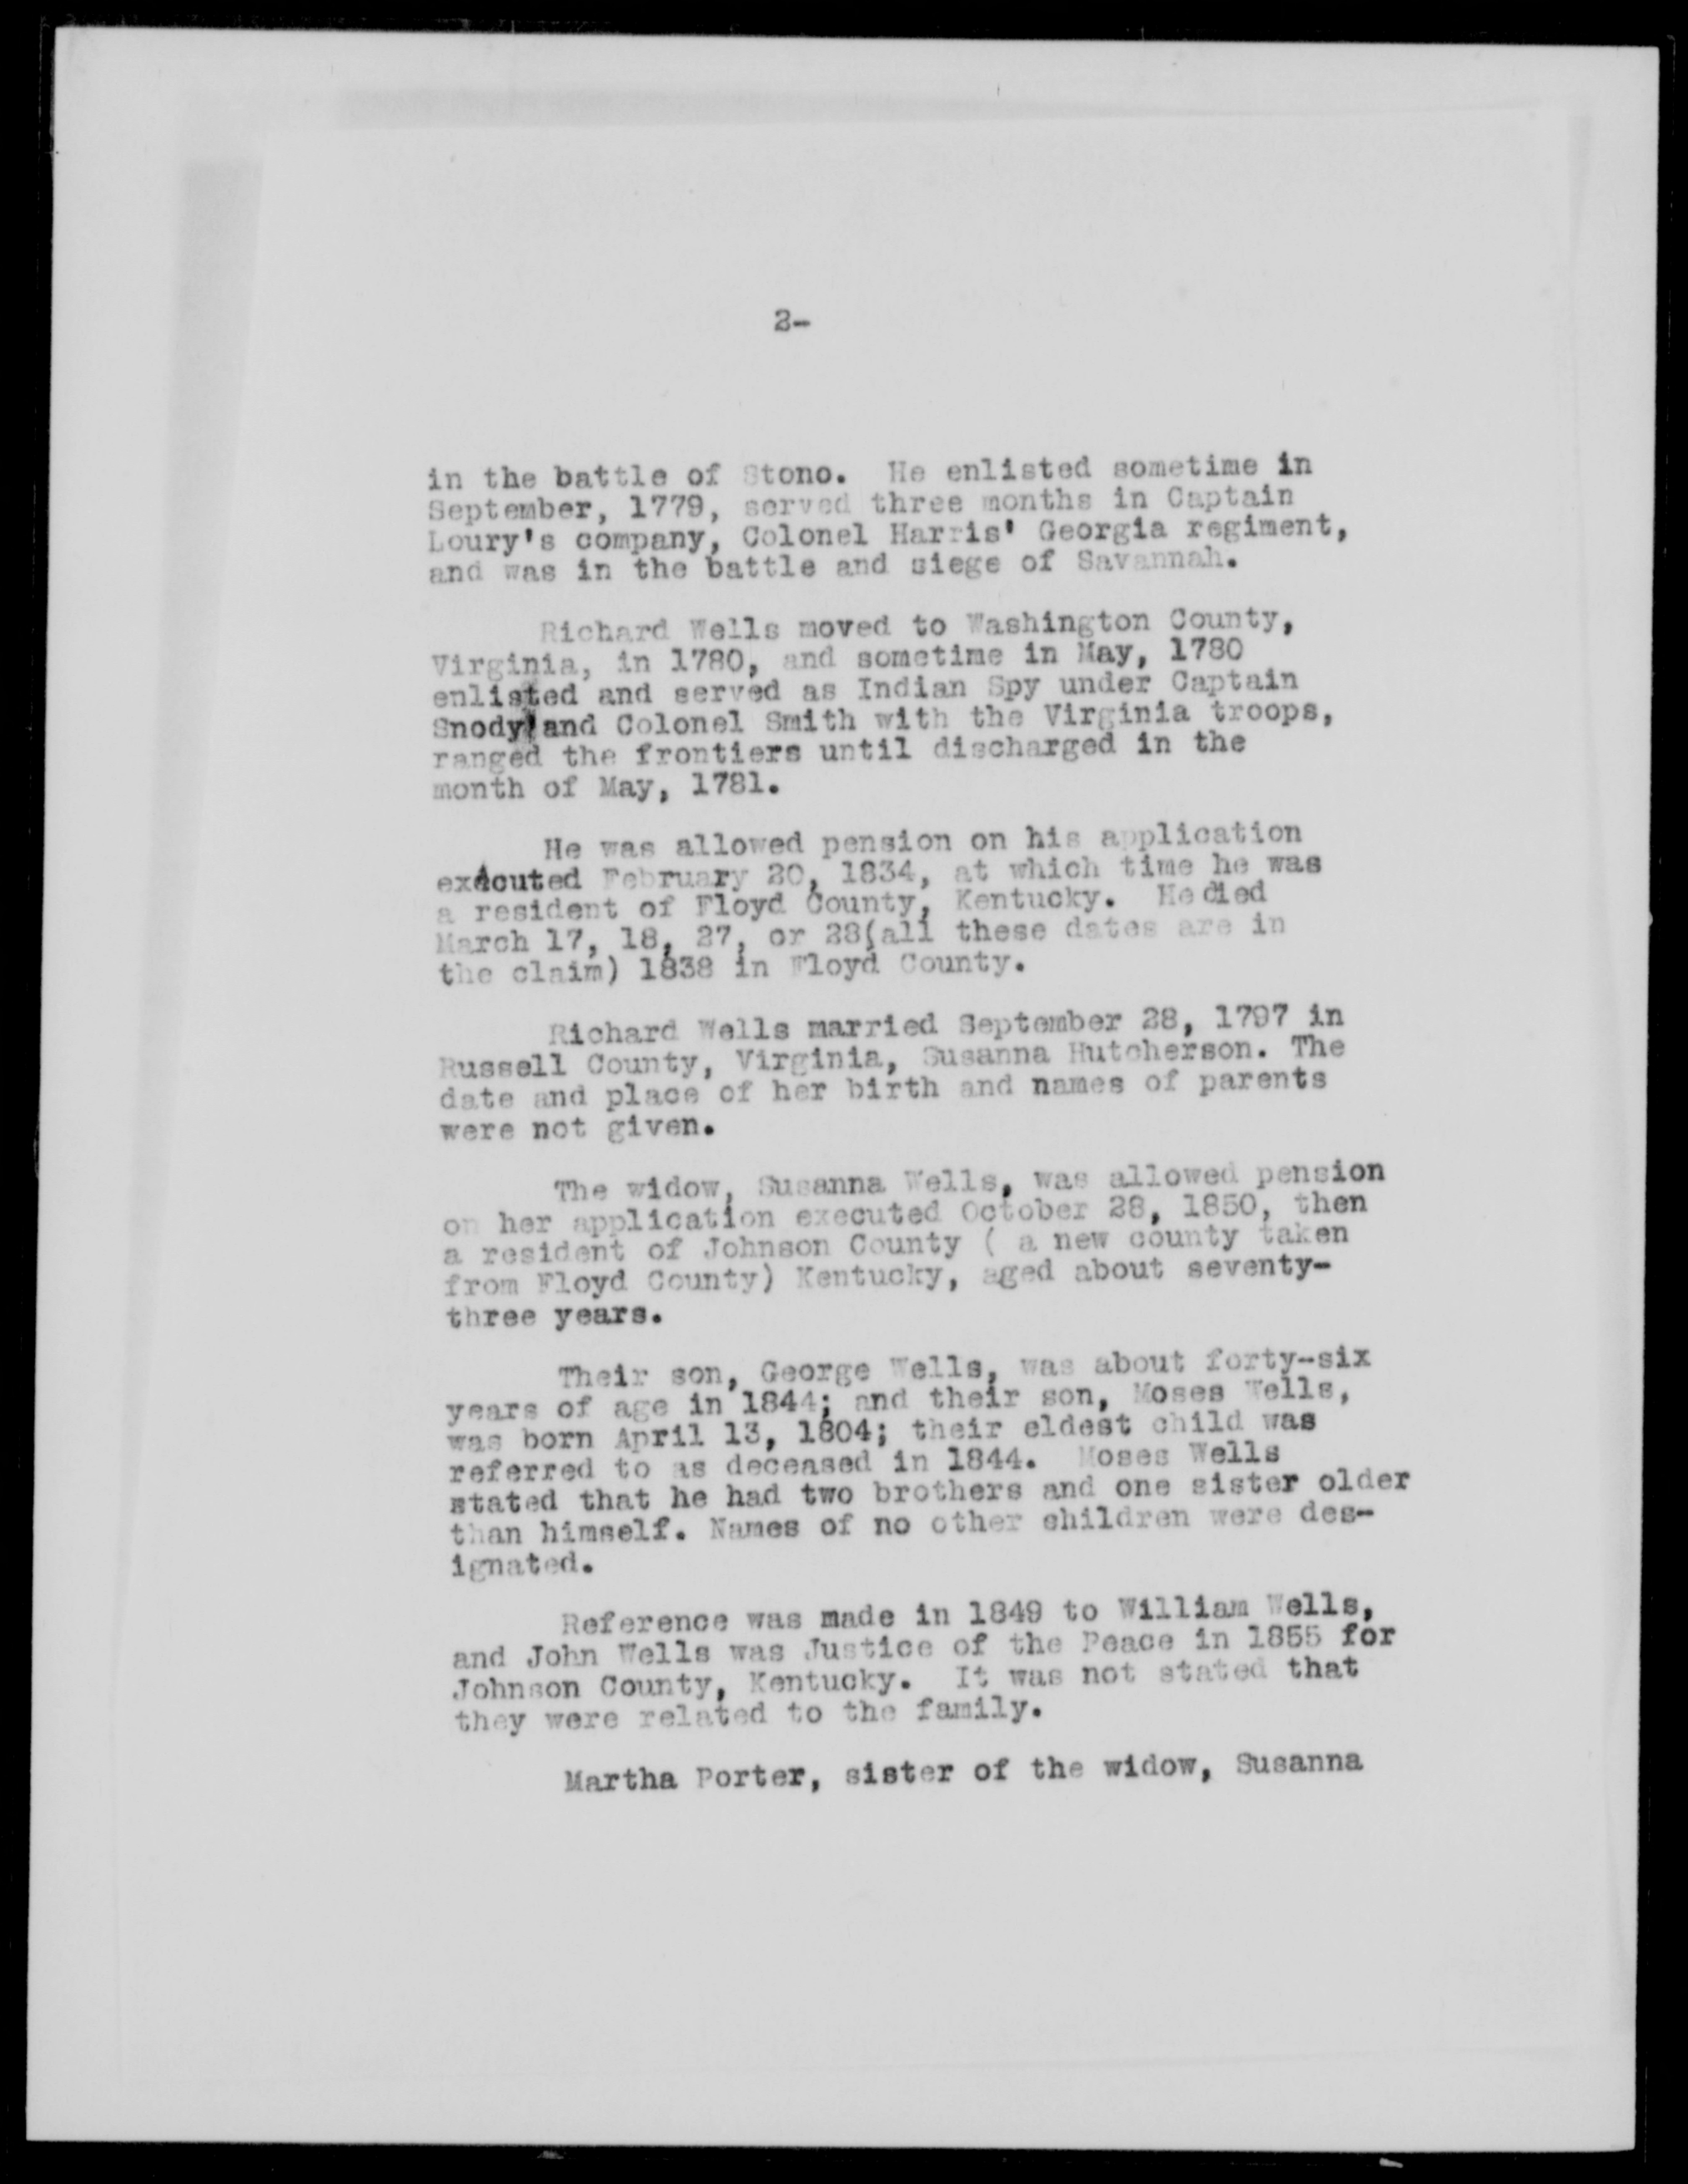2
in the battle of Stone.  He enlisted sometime in September, 1779, served three months in Captain Loury's company, Colonel Harris' Georgia regiment, and was in the battle and siege of Savannah.

Richard Wells moved to Washington County, Virginia, in 1780, and sometime in May, 1780 enlisted and served as Indian Spy under Captain Snody and Colonel Smith with the Virginia troops, ranged the frontiers until discharged in the month of May, 1781.

He was allowed pension on his application executed February 20, 1834, at which time he was a resident of Floyd County, Kentucky.  He died March 17, 18, 27 or 33 (all these dates are in the claim) 1838 in Floyd County.

Richard Wells married September 28, 1797 in Russell County, Virginia, Susanna Hutcherson.  The date and place of her birth and names of parents were not given.

The widow, Susanna Wells, was allowed pension on her application executed October 28, 1850, then a resident of Johnson County (a new county taken from Floyd County) Kentucky, aged about seventy three years.

Their son, George Wells, was about forty six years of age in 1844; and their son, Moses Wells, was born April 13, 1804; their eldest child was referred to as deceased in 1844.  Moses Wells stated that he had two brothers and one sister older than himself.  Names of no other children were designated.

Reference was made in 1849 to William Wells, and John Wells was Justice of the Peace in 1855 for Johnson County, Kentucky.  It was not stated that they were related to the family.

Martha Porter, sister of the widow, Susanna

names: Snody, Susanna Wells, Martha Porter, John Wells, George Wells, Richard Wells, Susanna Hutcherson, William Wells, Moses Wells, Smith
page: 40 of 100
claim: widow's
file: W. 6437, Richard Wells, Ga Va.